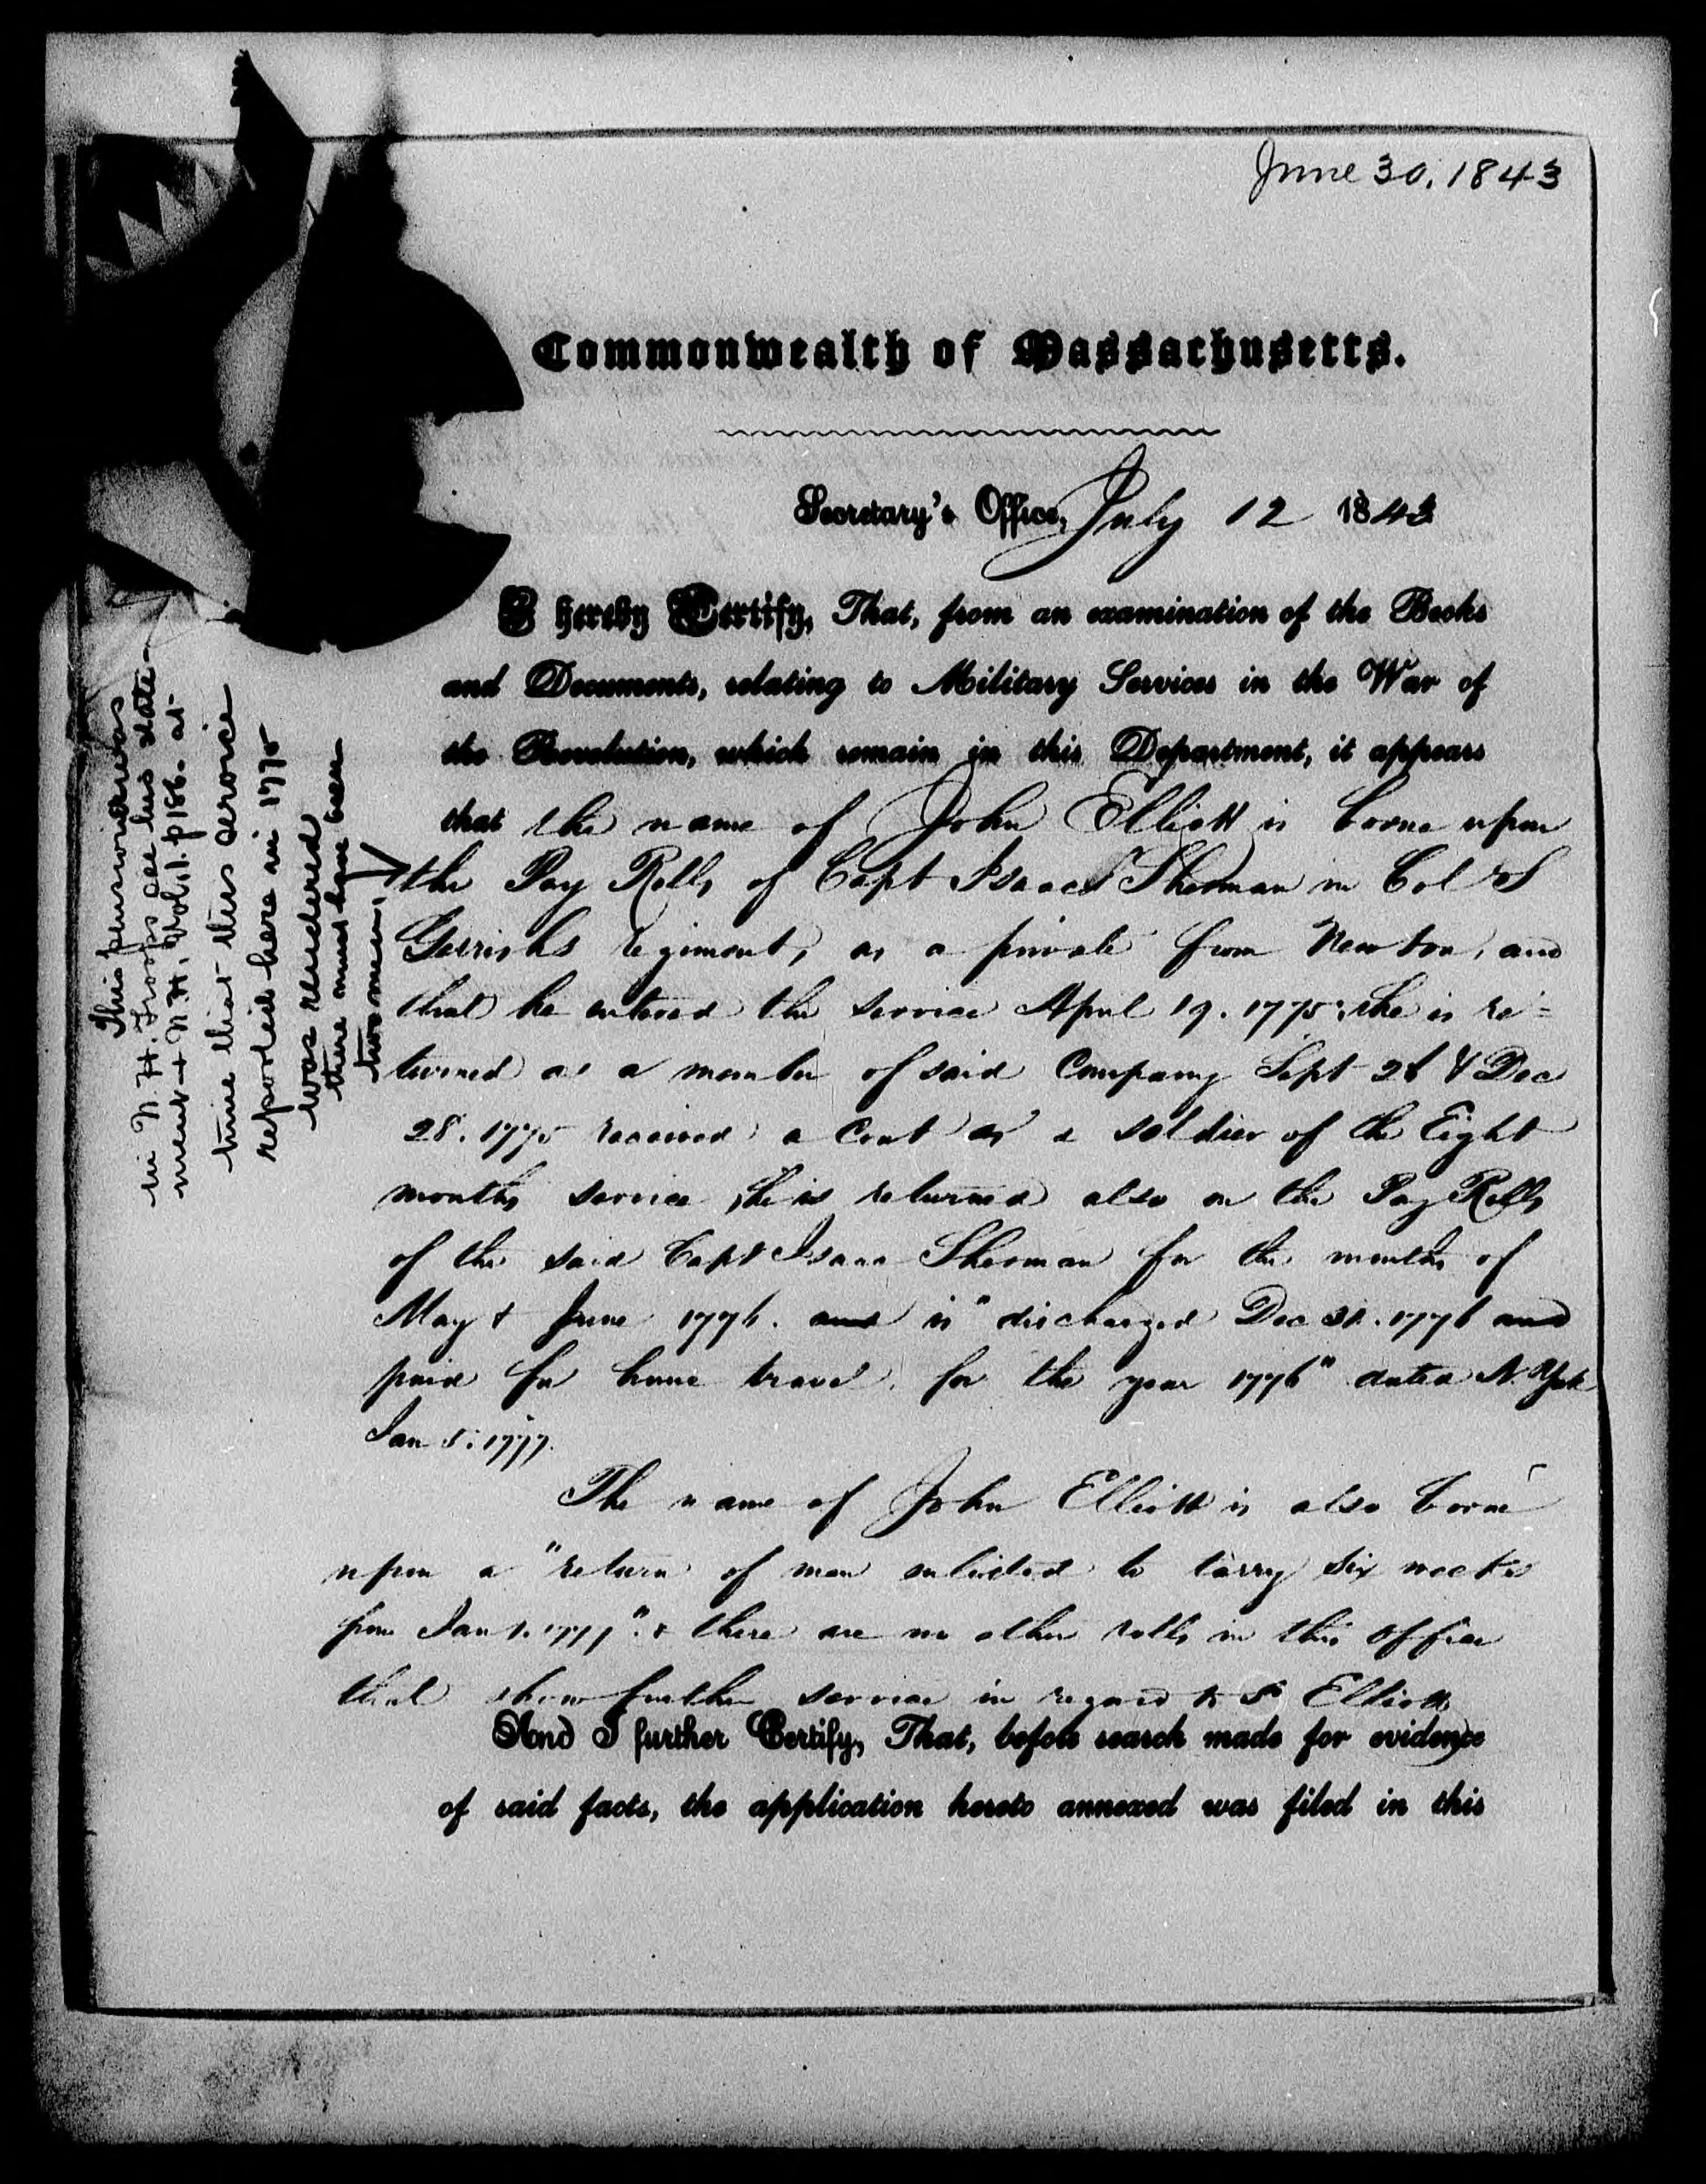June 30, 1843
Commonwealth of Massachusetts.
Secretary's Office July 12 1843
I hereby Certify, That, from an examination of the Books
and Documents, relating to Military Services in the War of
the Revolution, which remain in this Department, it appears
that the name of John Elliott is borne upon
the Pay Rolls of Capt Isaac Sherman in Col
Gerish Regiment, as a private from Newton and
that he entered the service April 19, 1775, he is
turned as a member of said Company Sept 28 & Dec
28. 1775 reamed a court as a soldier of the Eight months service he is returned also in the Pay Rolls of the said Capt Isaac Sherman for the month of May & June 1776 and is discharged Dec 1771 and
paid for home tract for the year 1776 dated N
Jan. 1777
The name of John Elliott is also born
upon a return of man enlisted to Carry six weeks
from Jan 1. 1711 & there are no other rolls in this office
that show further service in regard to S Elliott
and I further Certify, That, before search made for evidence
of said facts, the application hereto annexed was filed in this

This pensioner was in N. H.  Troops and line statement N. . [illegible] P 186 and [illegible]  service reported here in 1776 was recorded there and has been [illegible]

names: John Elliott, Elliott, Isaac Sherman, John Elliott, Isaac Sherman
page: 53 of 57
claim: widow's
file: W. 16,114, John Elliot, Continental (Mass) N.H.